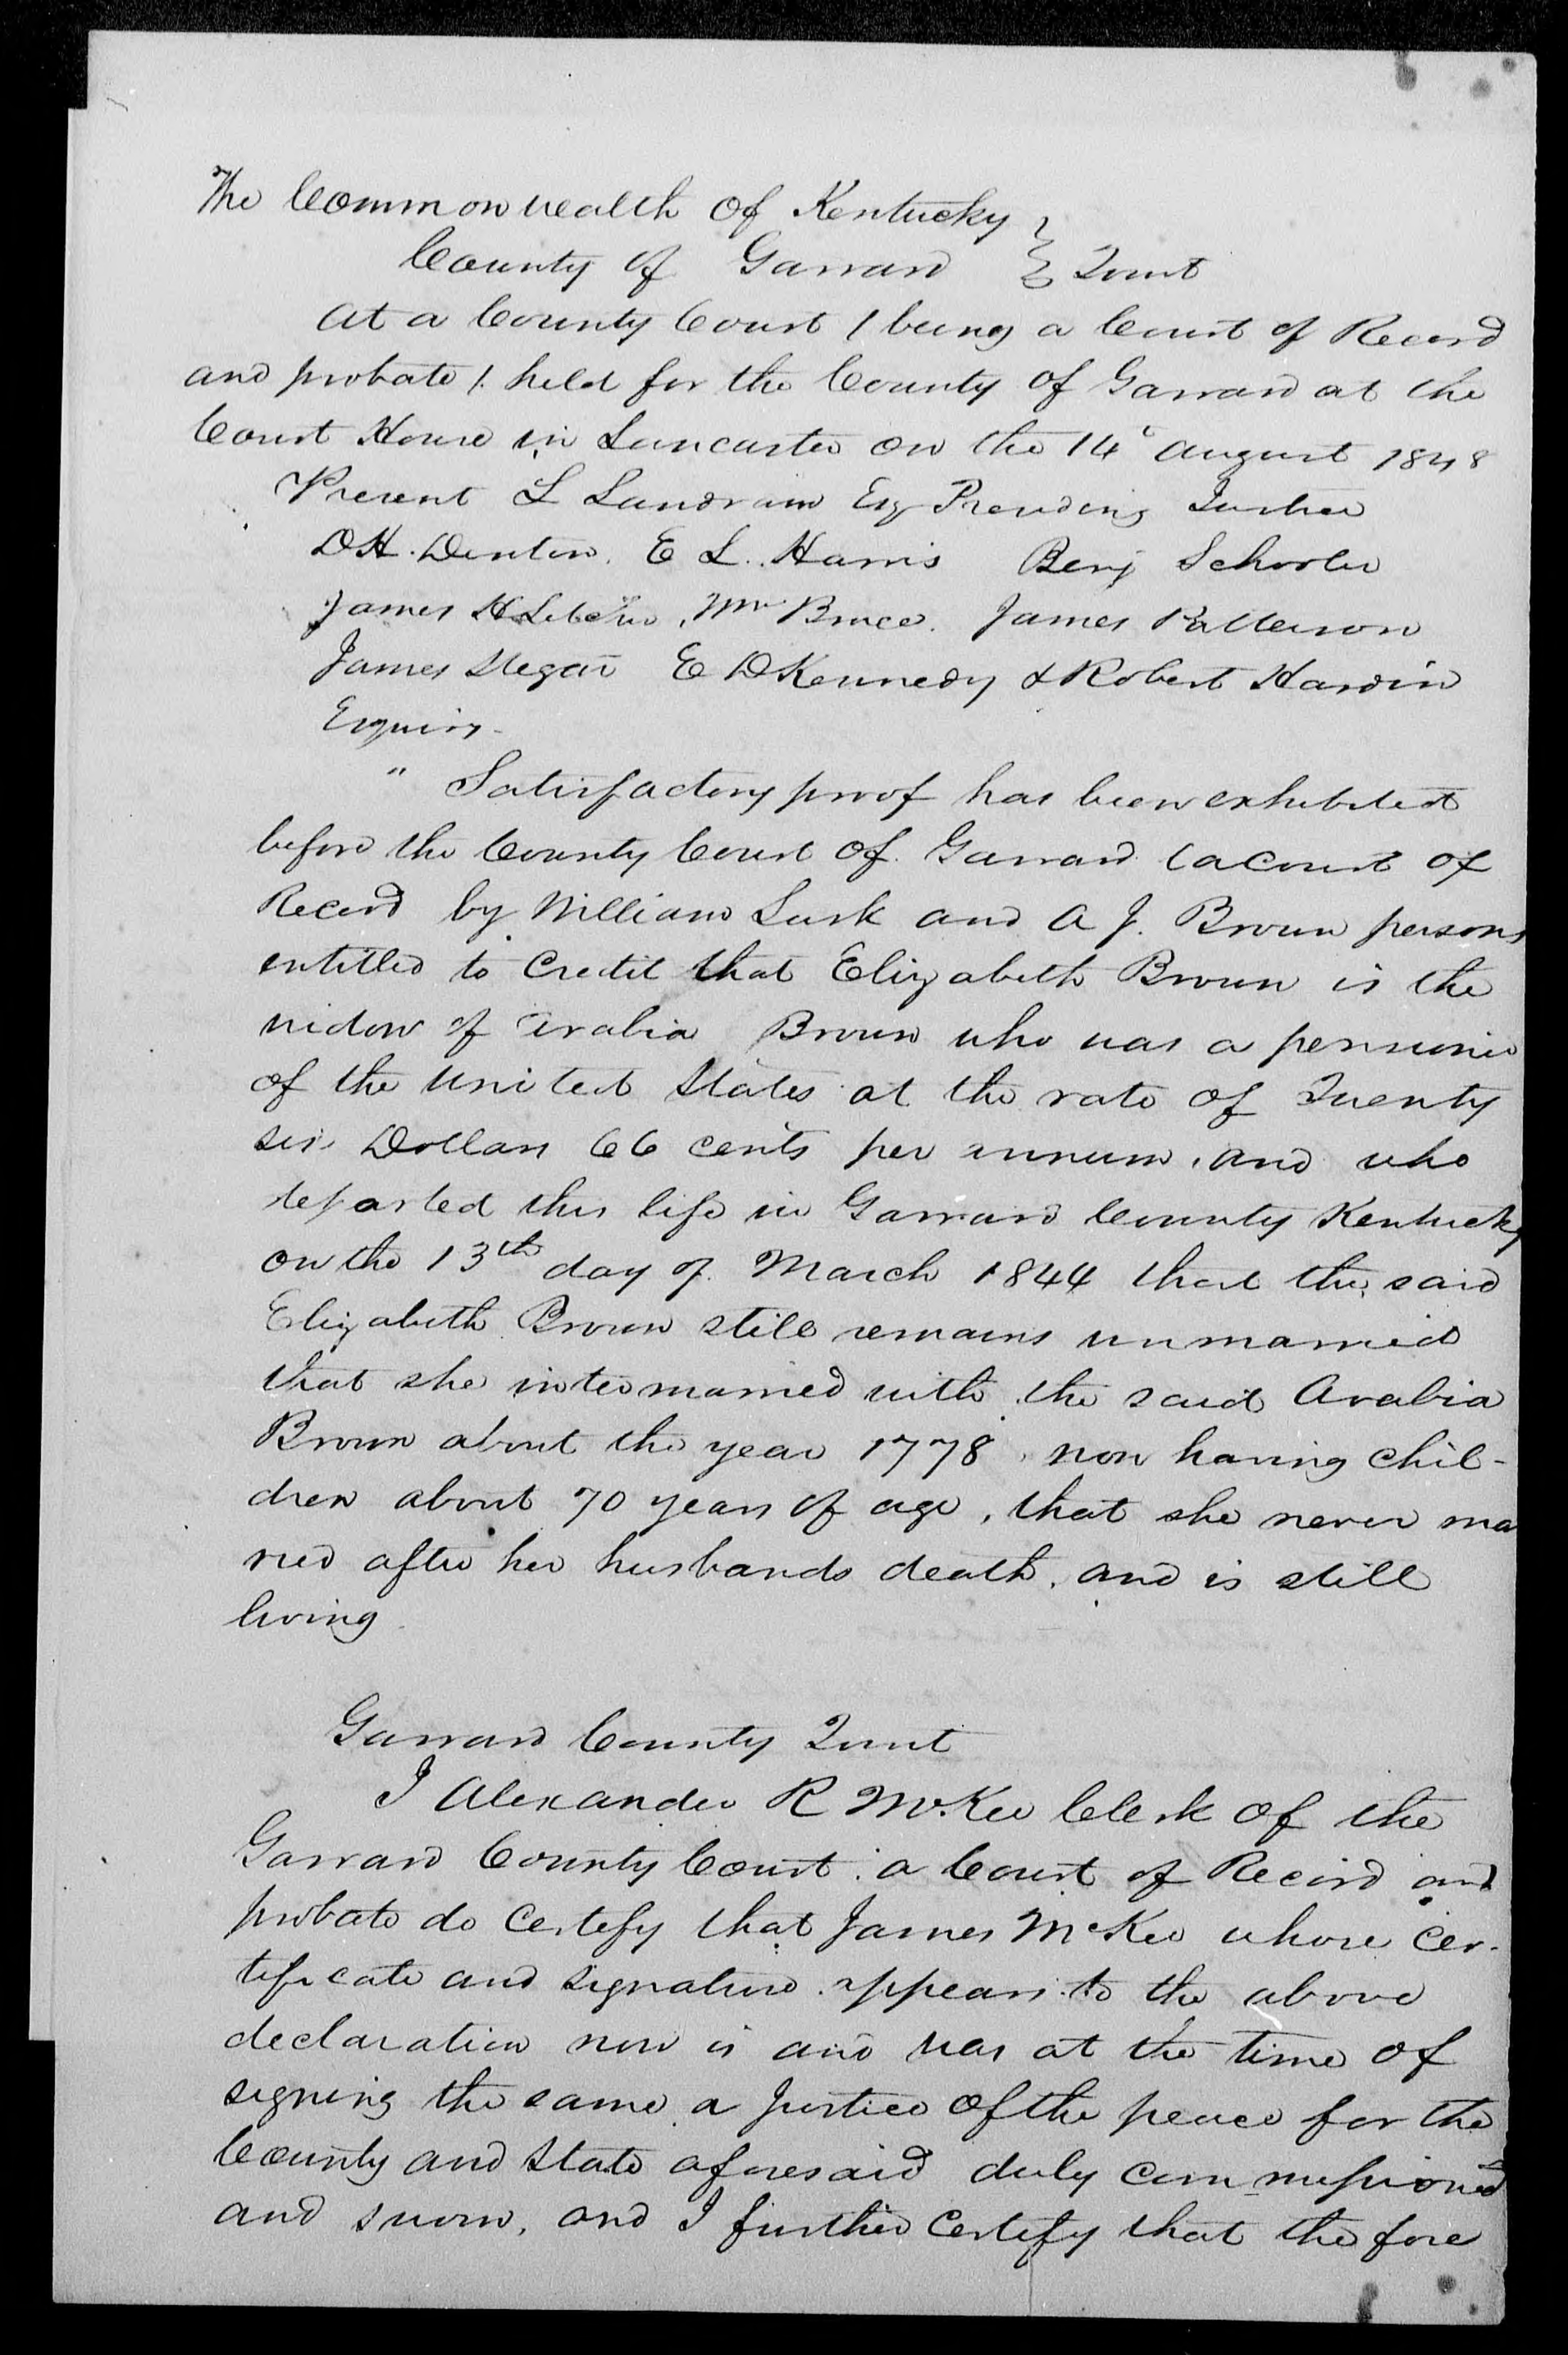The Commonwealth of Kentucky
 County of Garrand & T (?)
at a county court I being a ? of Record
and --whate I held for the County of Garrand at the
County House in Lancaster on the 14th August 1848
Present L Landoruim Esq Prevding Inshar
Dh Dentin    EL Harris Benj Schooler
James H Seb?, M Bunce James Patterson
James Stegan ED Kennedy & Robert Hardin
Esquire

" Satisfactory ? has been exhubated
before the County Court of Garrad Ca Curt? of 
Recent by Milliano Susk and A. J Brown persons
entitled to credit that Elizabeth Brown is the 
widow of Arabia Brown who was a penssionio
of the United States at the rate of Twenty-
six Dollars 66 cents per annum, and who
departed this life in Garrand County Kentucky
on the 13th day of March 1844 that the said
Elizabeth Brown still remains unmarried
that she intermarried with the said Arabia
Brown about the year 1778, non having child -
red about 70 year of age, that she never remarried
after her husbands death, and is
living.
Garland County T
I Alexander R.  Mckee Clerk of the
Garland County Court : A Court of Record
____do certify that James McKee whose cer-
tificate and signature appear to the above
declaration now is and was at the time of
signing the same a Justice of the peace for the 
County and State fares did duly commupioned
and sworn, and I further certify that fore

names: E D Kennedy, L Landram, James H Letcher, William Susk, Wm Bruce, Arabia Brown, A J Brown, E L Harris, D H Denton, James Patterson, James Mc Kee, Elizabeth Brown, Elizabeth Brown, Alexander R Mc Kee, Robert Hardin, Benj Schooler, Arabia Brown, James Stegar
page: 21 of 65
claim: widow's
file: W. 8384, Arabia Brown, Va.